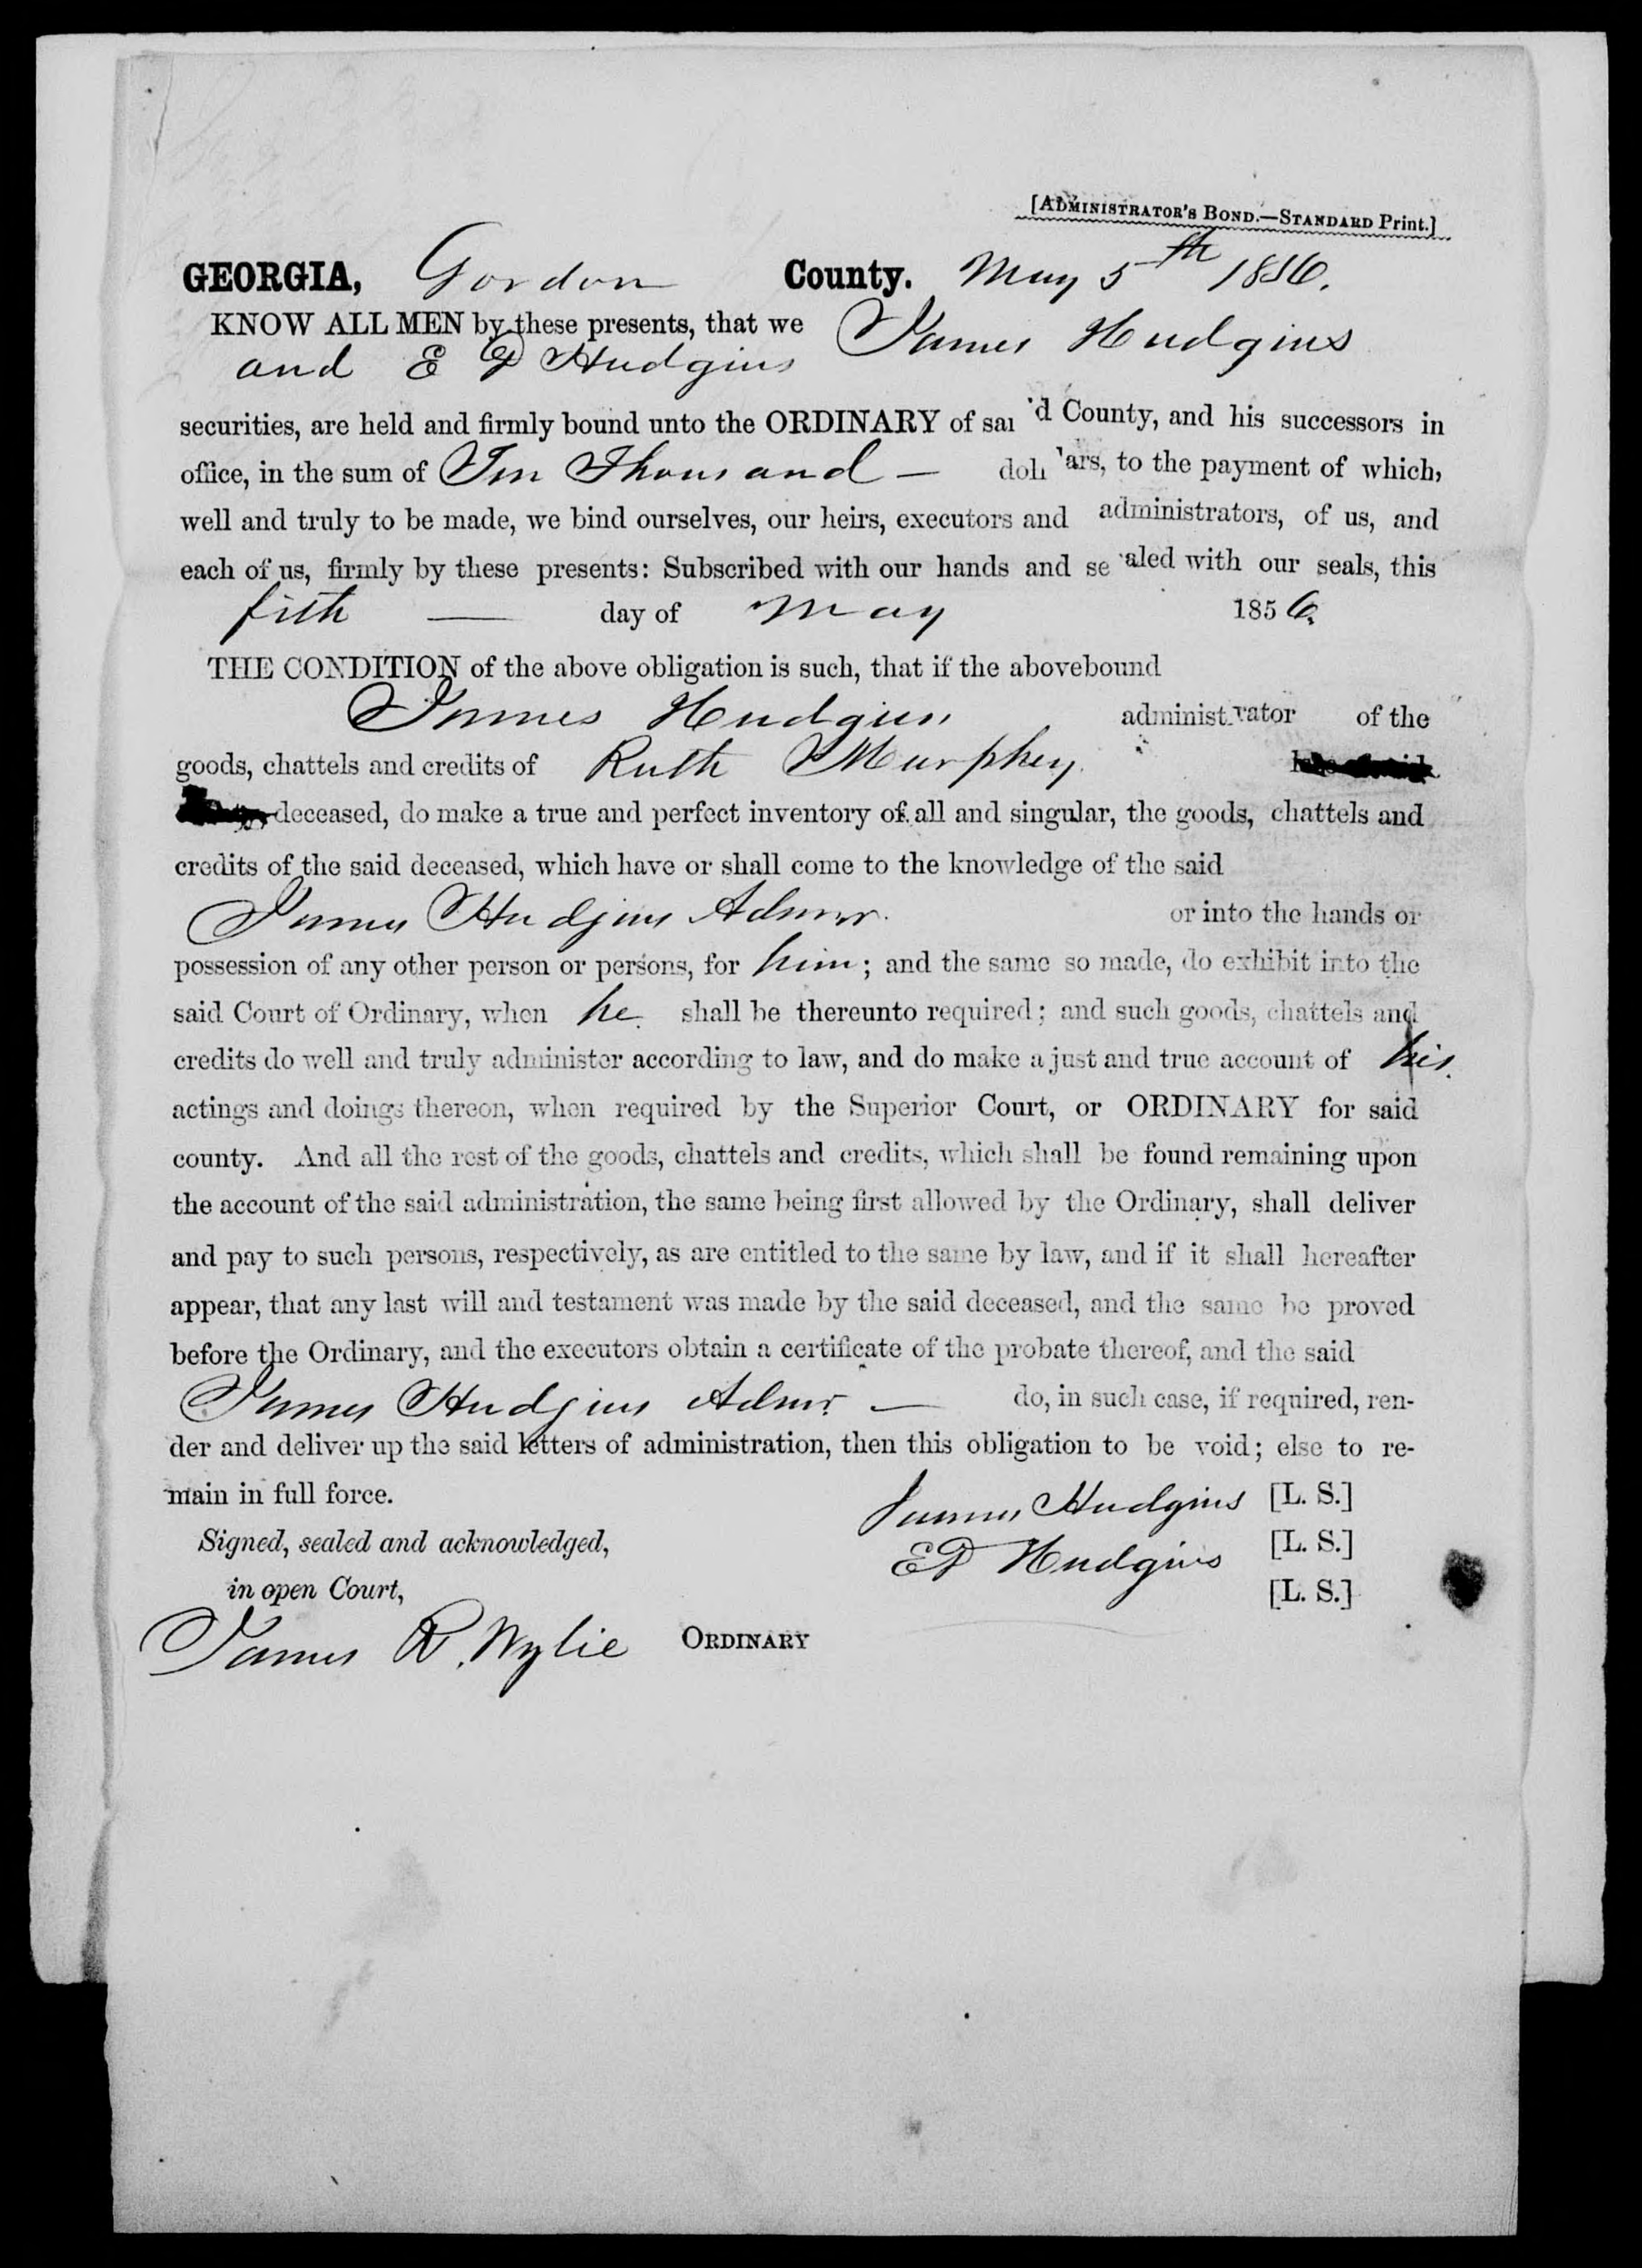[Administrator’s Bond —Standard Print.]
—————————————————————

GEORGIA, Gordon County, May 5th 1856
KNOW ALL MEN by these presents, that we James Hudgins and E P Hudgins
Securities, are held and firmly bound unto the ORDINARY of said County, and his successors in office, in the sum of One Thous and - dollars to the payment of which well and truly to be made, we bind ourselves, our heirs, executors and administrators, of us, and each of us, firmly by these presents: Subscribed with our hands and sealed with our seals, this fifth - day of May 1856. 
THE CONDITION of the above obligation is such, that if the abovebound James Hudgins, administrators of the goods, chattels, and credits of Ruth Murphey, deceased, do make a true and perfect inventory of all and singular the goods, chattels, and credits of the said deceased, which have or shall come to the knowledge of the said James Hudgins Admr or into the hands or possession of any other person or persons for him; and the same so made, do exhibit into said Court of Ordinary, when he shall be thereunto required; and such goods, chattels and credits do well and truly administer according to law, and do make a just and true account of his actings and doings thereon, when required by the Superior Court, or ORDINARY for said county. And all the rest of the goods, chattels, and credits which shall be found remaining upon the account of the said administration, the same being first allowed by the Ordinary, shall deliver and pay to such persons, respectively, as are entitled to the same by law, and if it shall hereafter appear, that any last will and testament was made by the said deceased, and the same be proved before the Ordinary and the executors obtain a certificate of the probate thereof and the said James Hudgins Admr do, in such case, if required, render and deliver up the said letters of administration, then this obligation to be void; else to remain in full force.
Signed, sealed, and acknowledged in open Court, 
James Hudgins [L. S.]
E P Hudgins [L. S.]

James R Wylie ORDINARY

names: James R Wylie, E D Hudgins, James Hudgins, Ruth Murphy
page: 68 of 108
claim: rejected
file: R. 7,515, John Hudgins, N.C.